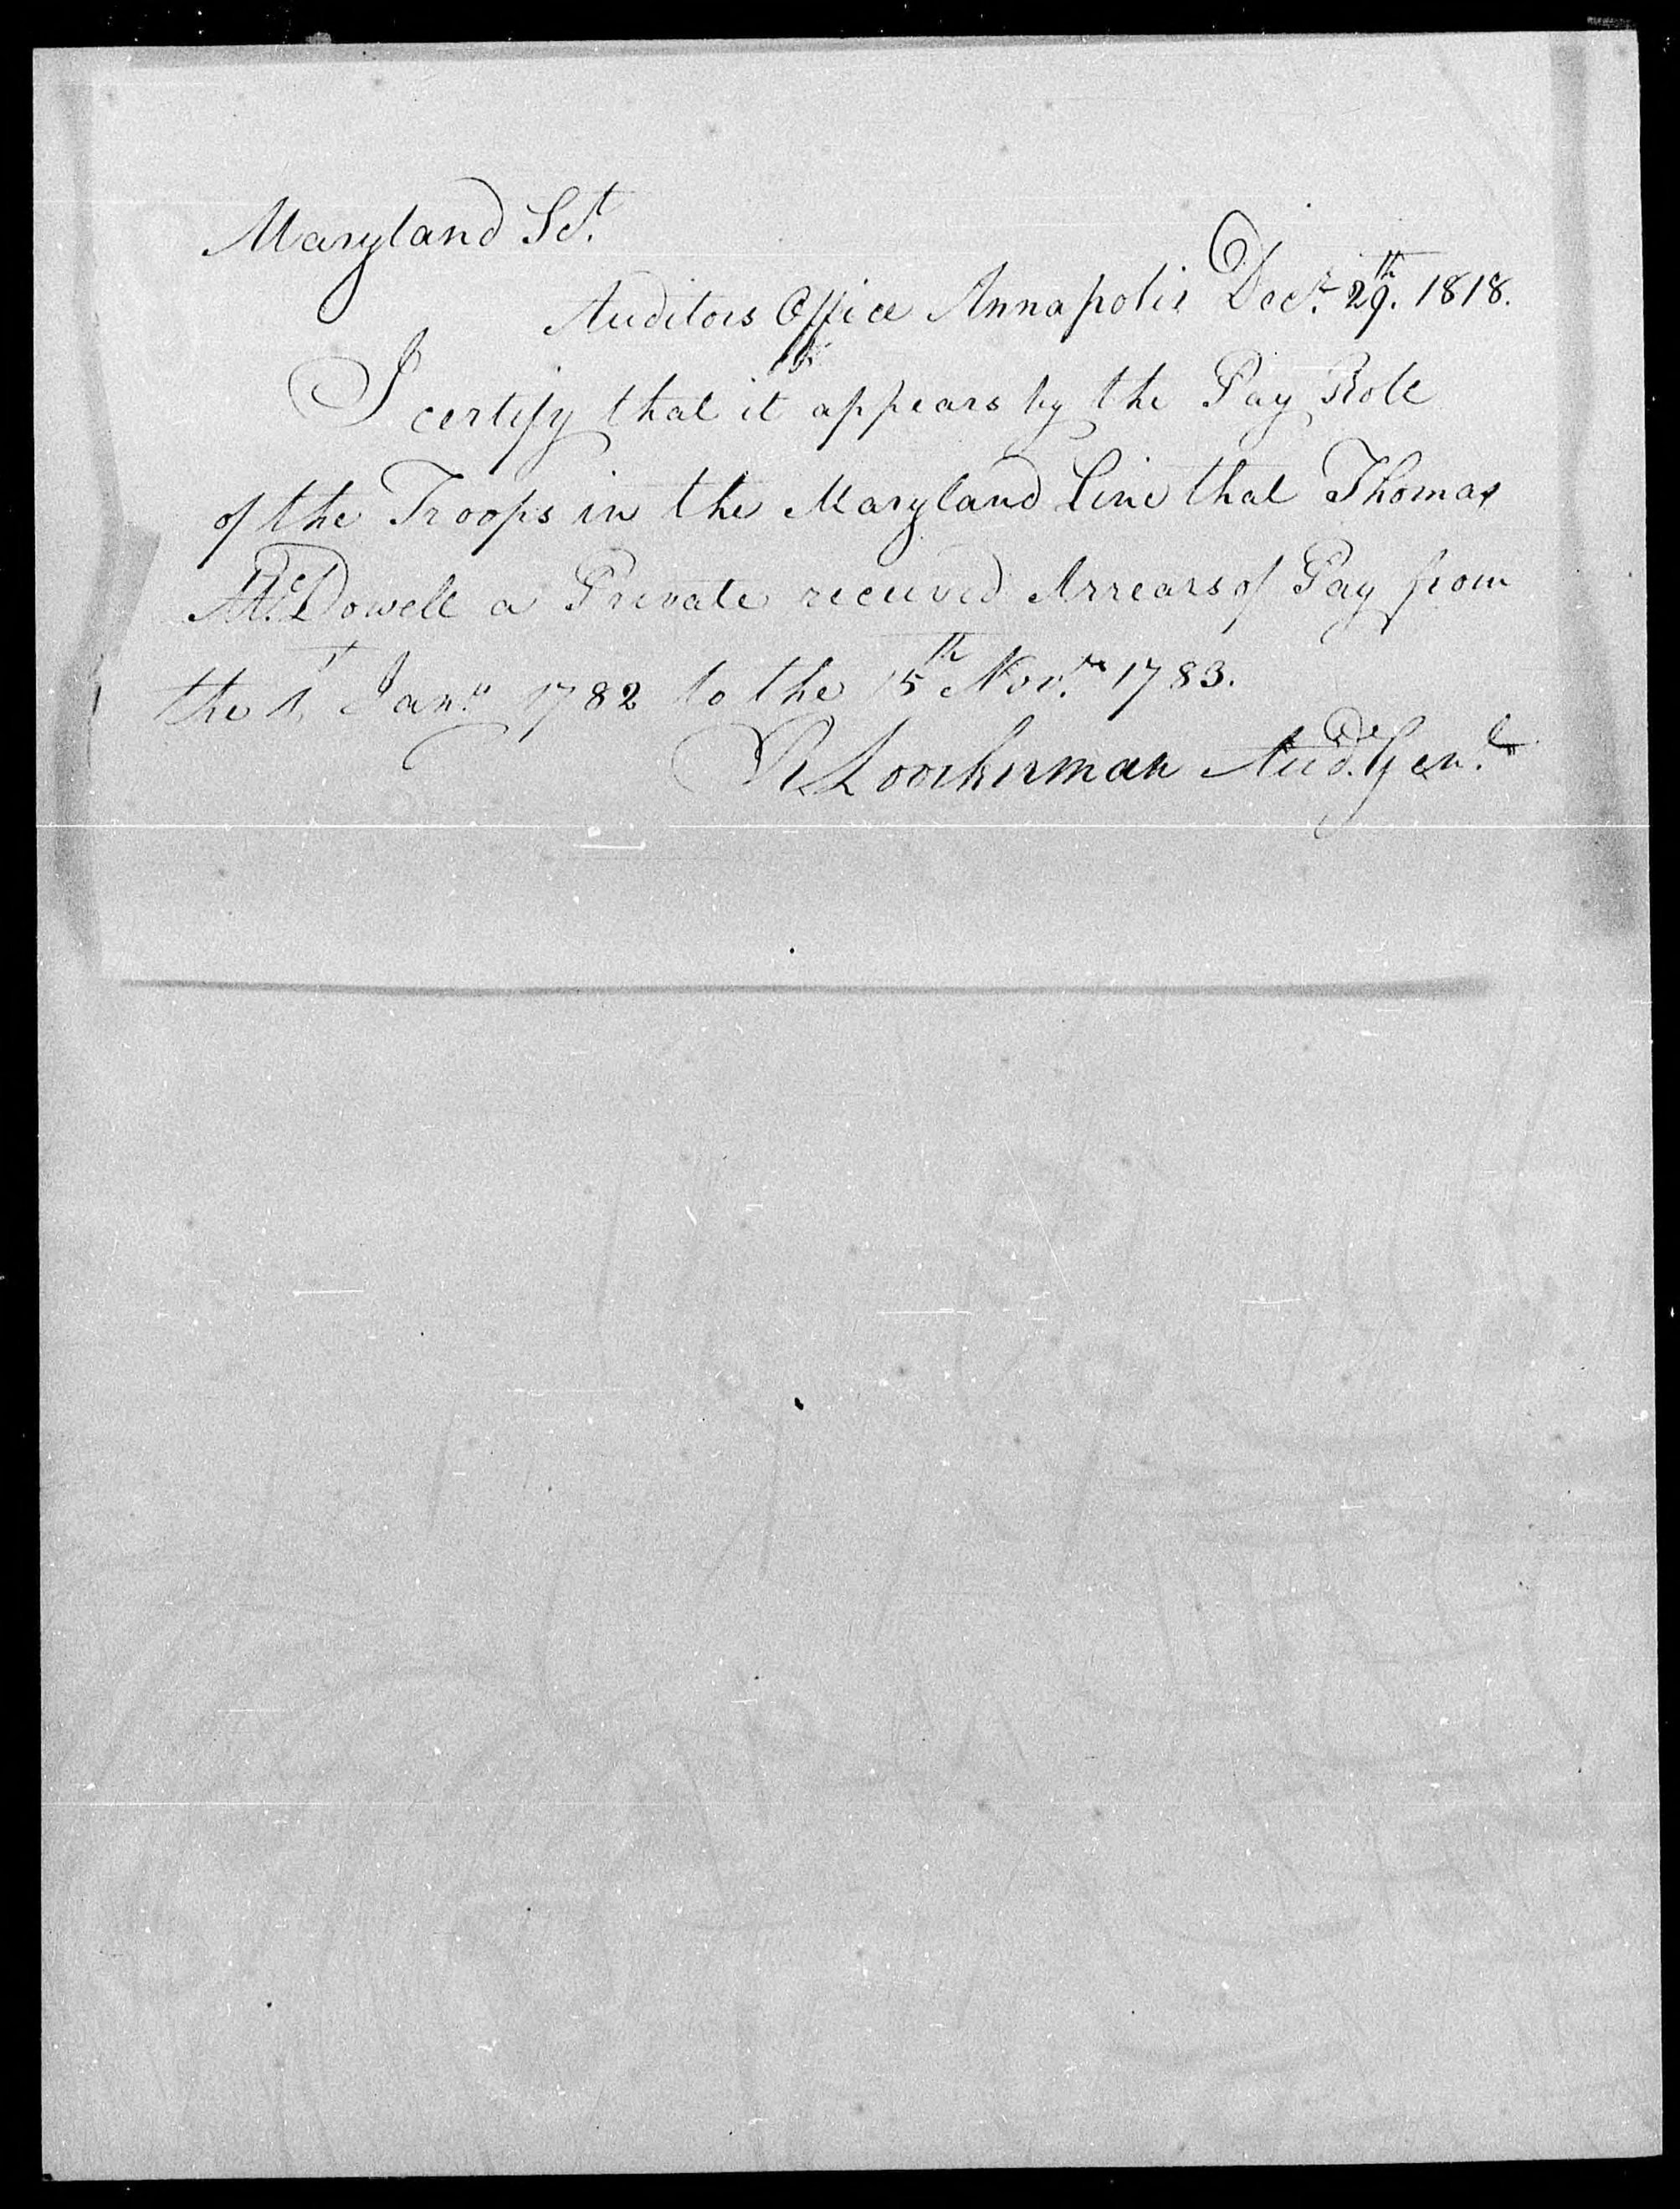Maryland Sct.
Auditors Office Annapolis Dec. 29th. 1818.

I certify that it appears by the Par Role of the Troops in the Maryland Line that Thomas McDowell a Private received Arrears of Pay from the [illegible] Jan'y 1782 to the 15th Nov. 1783.

R. Loorhuman[?] Aud. Gen'l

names: R Loockerman; Thomas Mc Dowell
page: 28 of 63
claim: widow's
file: W 2957, for Thomas Mc Dowell, Maryland